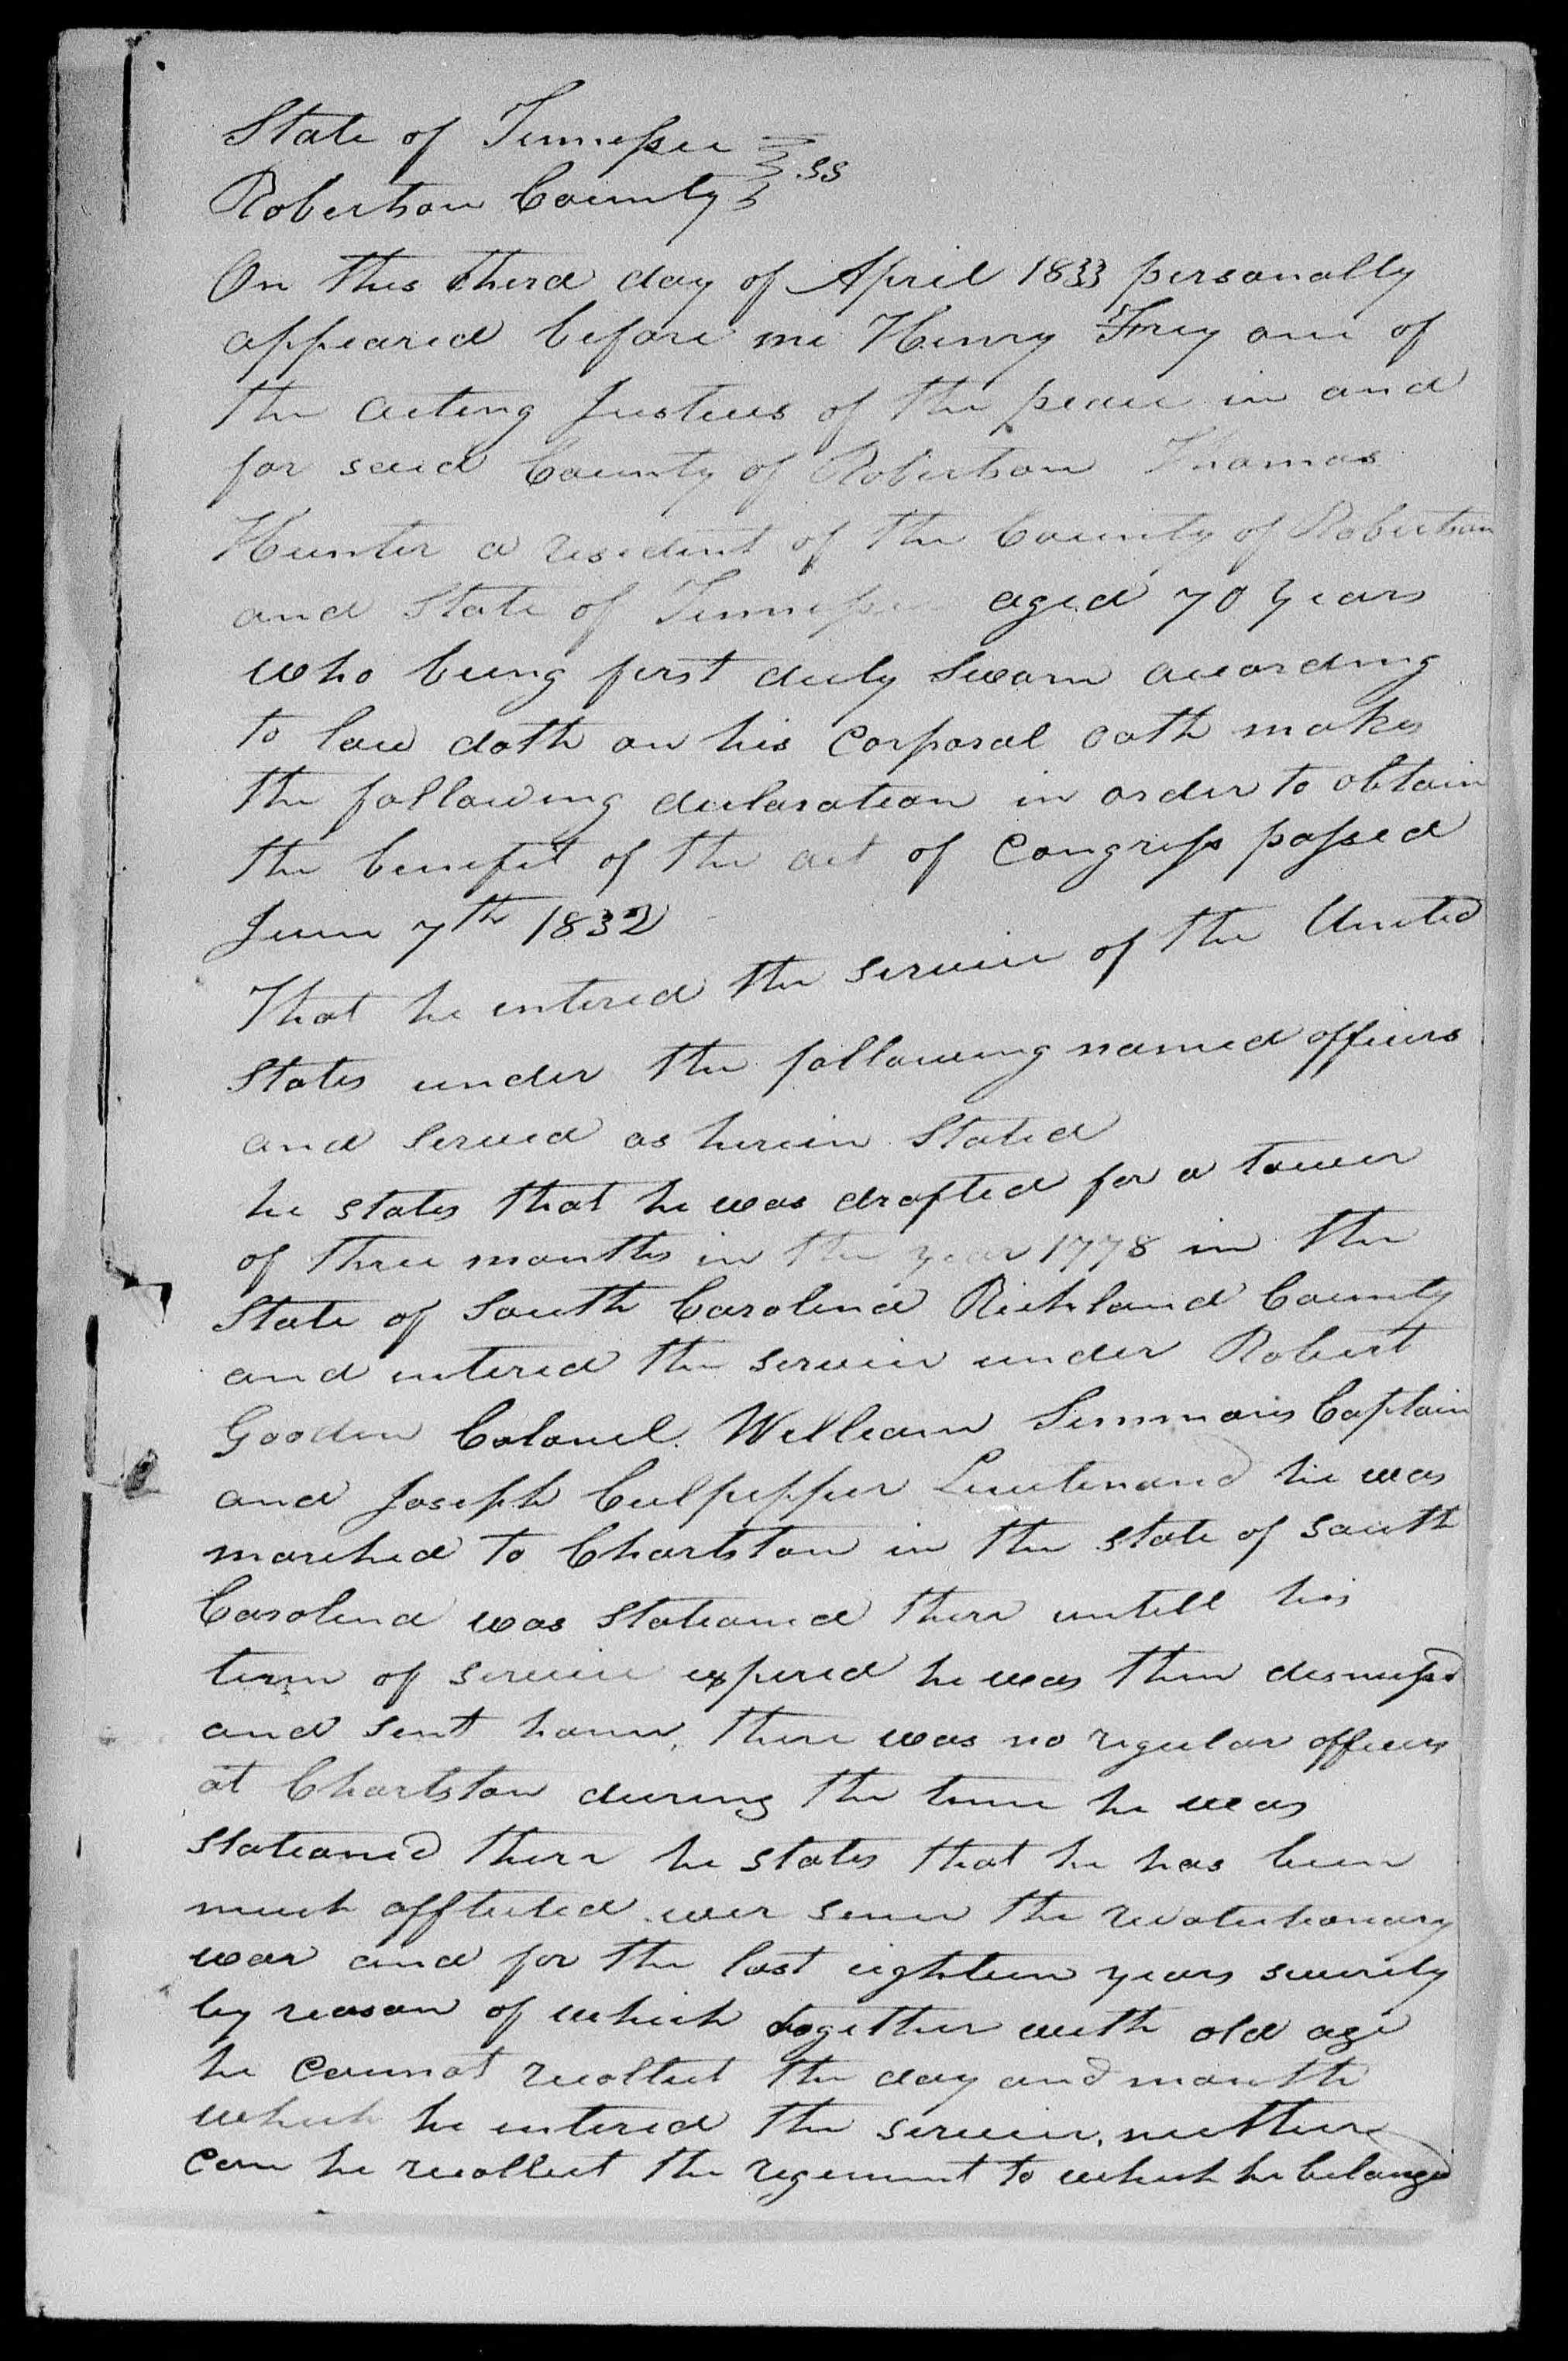State of Tennessee
Robertson County
On this third day of April 1833 personally
appeared before me Henry Fry one of the
acting Justices of the peace in and for said County of Robertson Thomas Hunter a resident of the County of Robertson and State of Tennessee aged 70 years
who being first duly sworn according to law doth on his Corporal Oath make the following declaration in order to obtain the benefit of the act of Congress passed
June 7th 1832
That he entered the service of the United States under the following named officers and served as herein Stated:
He states that he was drafted for a tour of three months in the year 1778 in the State of South Carolina Richland County and entered the service under Robert
Gooden Colonel William Simmons Captain
and Joseph Culpepper Lieutenant -  he was
marched to Charleston in the State of South Carolina
was stationed there until his term of service expired - he was then dismissed and sent home - there was no regular officers at Charleston during the time he was
stationed there - he states that he has been much afflicted ever since the revolutionary war and for the last eighteen years severely by reason of which together with old age
he cannot recollect the day and month which he entered the service, neither can he recollect the regiment to which he belonged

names: William Simmons; Thomas Hunter; Robert Gooden; Joseph Culpepper; Henry Frey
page: 4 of 19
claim: survivor's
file: S. 4411, for Thomas Hunter, North Carolina